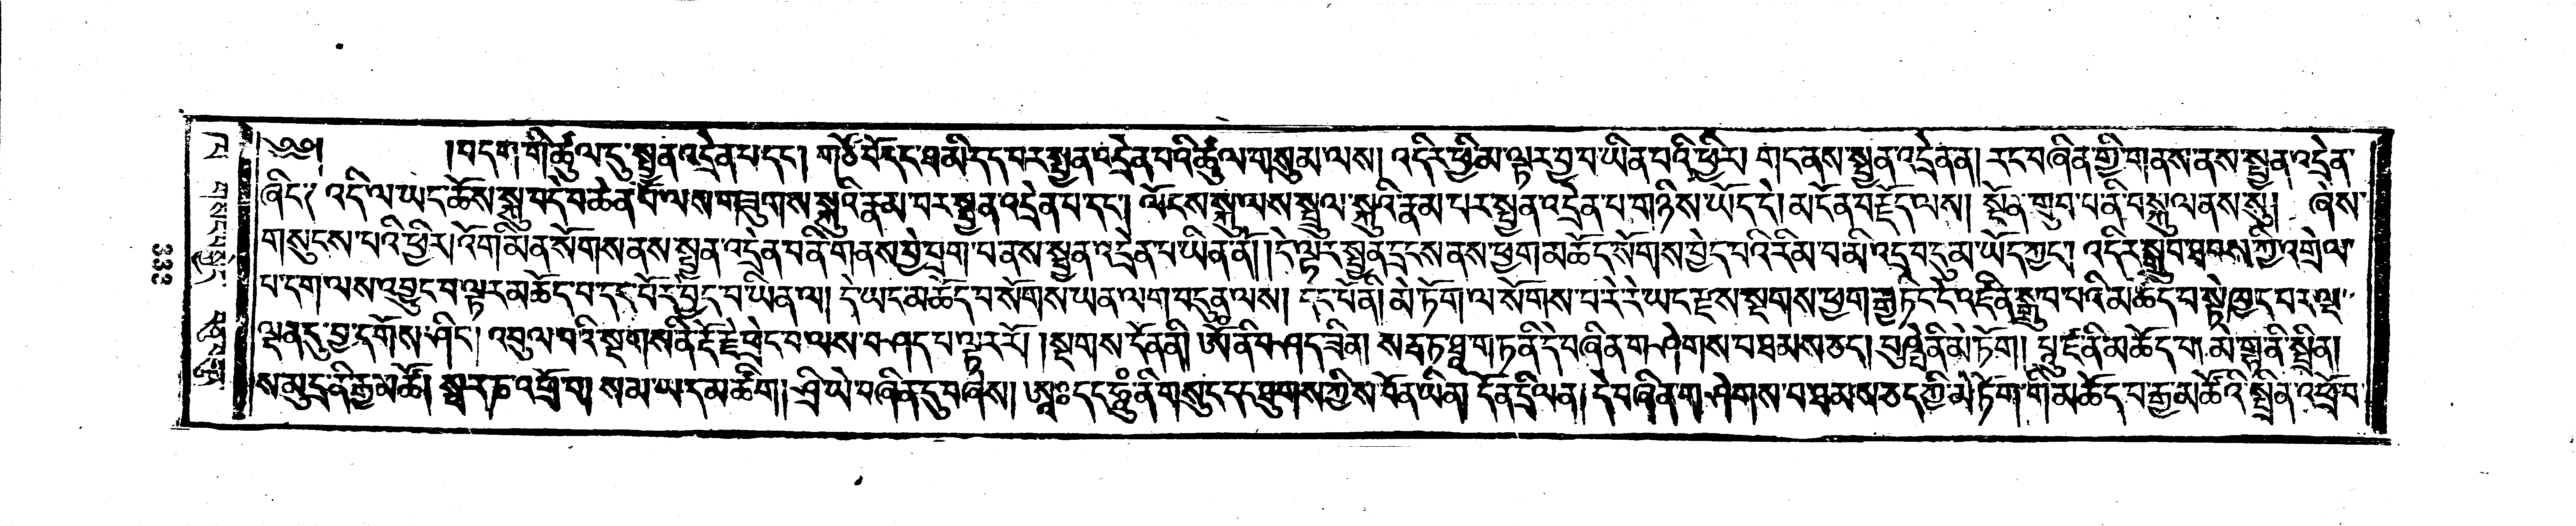༄༅། །བདག་གི་ཚུལ་དུ་སྤྱན་འདྲེན་པ་དང་། གཙོ་བོ་དང་ཐ་མི་དད་པར་སྤྱན་འདྲེན་པའི་ཚུལ་གསུམ་ལས། འདིར་ཕྱི་མ་ལྟར་བྱ་བ་ཡིན་པའི་ཕྱིར། གང་ནས་སྤྱན་འདྲེན་ན། རང་བཞིན་གྱི་གནས་ནས་སྤྱན་འདྲེན་
ཞིང༑ འདི་ལ་ཡང་ཆོས་སྐུ་བདེ་བ་ཆེན་པོ་ལས་གཟུགས་སྐུའི་རྣམ་པར་སྤྱན་འདྲེན་པ་དང་། ལོངས་སྐུ་ལས་སྤྲུལ་སྐུའི་རྣམ་པར་སྤྱན་འདྲེན་པ་གཉིས་ཡོད་དེ། མངོན་བརྗོད་ལས། སྔོན་གྲུབ་པ་ནི་བསྐུལ་ནས་སུ། ཞེས་
གསུངས་པའི་ཕྱིར། འོག་མིན་སོགས་ནས་སྤྱན་འདྲེན་པ་ནི་གནས་བྱེ་བྲག་པ་ནས་སྤྱན་འདྲེན་པ་ཡིན་ནོ། །དེ་ལྟར་སྤྱན་དྲངས་ནས་ཕྱག་མཆོད་སོགས་བྱེད་པའི་རིམ་པ་མི་འདྲ་བ་དུ་མ་ཡོད་ཀྱང་། འདིར་སྒྲུབ་ཐབས་ཀྱི་འགྲེལ་
བ་དག་ལས་འབྱུང་བ་ལྟར་མཆོད་པ་དང་པོར་བྱེད་པ་ཡིན་ལ། དེ་ཡང་མཆོད་པ་སོགས་ཡན་ལག་བདུན་ལས། དང་པོ་ནི། མེ་ཏོག་ལ་སོགས་པ་རེ་རེ་ཡང་རྫས་སྔགས་ཕྱག་རྒྱ་ཏིང་ངེ་འཛིན་སྒྲུབ་པའི་མཆོད་པ་སྟེ་ཁྱད་པར་ལྔ་
ལྡན་དུ་བྱ་དགོས་ཤིང་། འབུལ་བའི་སྔགས་ནི་རྡོ་རྗེ་ཕྲེང་བ་ལས་བཤད་པ་ལྟར་རོ། །སྔགས་དོན་ནི། ཨོཾ་ནི་བཤད་ཟིན། སརྦ་ཏ་ཐཱ་ག་ཏ་ནི་དེ་བཞིན་གཤེགས་པ་ཐམས་ཅད། པུཥྤེ་ནི་མེ་ཏོག །པཱུ་ཛ་ནི་མཆོད་པ། མེ་གྷ་ནི་སྤྲིན།
ས་མུ་དྲ་ནི་རྒྱ་མཚོ། སྥ་ར་ཎ་འཕྲོ་བ། ས་མ་ཡ་དམ་ཚིག །ཤྲི་ཡེ་བཞིན་དུ་བཞེས། ཨཱཿ དང་ཧཱུཾ་ནི་གསུང་དང་ཐུགས་ཀྱི་ས་བོན་ཡིན། དོན་དྲིལ་ན། དེ་བཞིན་གཤེགས་པ་ཐམས་ཅད་ཀྱི་མེ་ཏོག་གི་མཆོད་པ་རྒྱ་མཚོའི་སྤྲིན་འཕྲོ་བ་